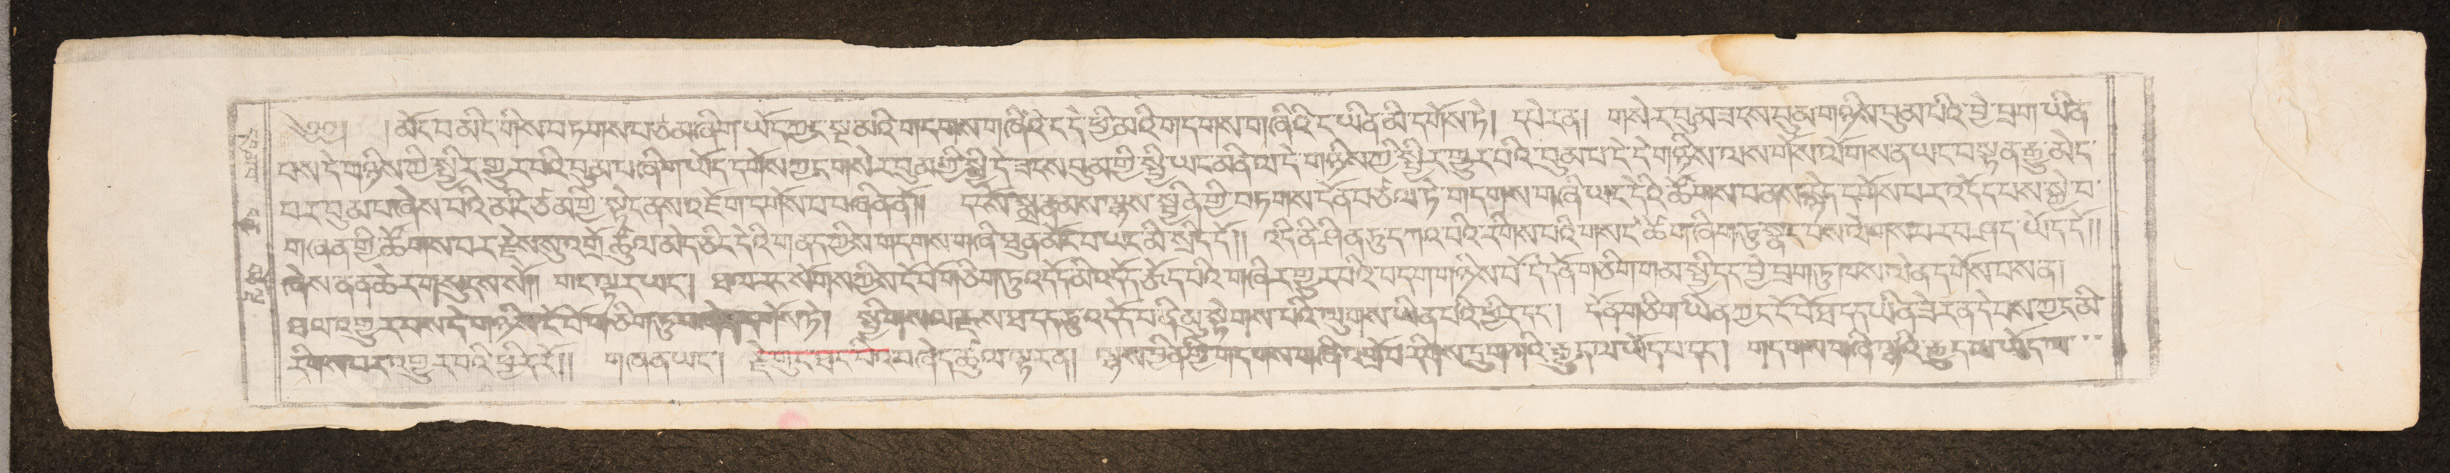༄༅། །མོང་བ་མིང་གིས་བཏགས་པ་ཅམ་ཞིག་ཡོད་ཀྱང་སྔ་མའི་གདགས་གཞིའི་ང་དེ་ཕྱི་མའི་གདགས་གཞིའི་ང་ཡིན་མི་དགོས་ཏེ། དཔེར་ན། གསེར་བུམ་ཟངས་བུམ་གཉིས་བུམ་པའི་བྱེ་བྲག་ཡིན་
པས་དེ་གཉིས་ཀྱི་སྤྱིར་གྱུར་བའི་བུམ་པ་ཞིག་ཡོད་དགོས་ཀྱང་གསེར་བུམ་གྱི་སྤྱི་དེ་ཟངས་བུམ་གྱི་སྤྱི་ཡང་མིན་ལ་དེ་གཉིས་ཀྱི་སྤྱིར་གྱུར་བའི་བུམ་པ་དེ་དེ་གཉིས་ལས་གོས་ལོགས་ན་ཡང་བསྟན་རྒྱུ་མེད་
པར་བུམ་པ་ཞེས་པའི་མིང་ཙམ་གྱི་སྟེང་ནས་འཇོག་དགོས་པ་བཞིན་ནོ། དངོས་སྨྲ་རྣམས་ལྷས་སྦྱིན་གྱི་བཏགས་དོན་བཙལ་ཏེ་གདགས་གཞི་ཡང་དེའི་ཚོགས་པ་ནས་རྙེད་དགོས་པར་འདོད་པས་སྐྱེ་བ་
གཞན་གྱི་ཚོགས་པར་རྗེས་སུ་འགྲོ་ཚུལ་མེད་ཅིང་དེའི་གནད་ཀྱིས་གདགས་གཞི་ཐུན་མོང་བ་ཡང་མི་སྲིད་དོ།། འདི་ནི་ཤིན་ཏུ་དཀའ་བའི་རིགས་པའི་གསང་ཚིག་ཞིག་ཏུ་སྣང་བས་ལེགས་པར་བཤད་ཡོད་དོ།།
ཞེས་ནན་ཆེར་གསུངས་སོ།། གང་ལྟར་ཡང་། ཐལ་རང་སོགས་ཀྱིས་ངོ་བོ་གཅིག་ཏུ་འདོད་མི་འདོད་རྩོད་པའི་གཞིར་གྱུར་བའི་བདག་གཉིས་པོ་དེ་དོན་གཅིག་གམ་སྤྱི་དང་བྱེ་བྲག་ཏུ་ཁས་ལེན་དགོས་པས་ན།
ཐལ་འགྱུར་བས་དེ་གཉིས་ངོ་བོ་གཅིག་ཏུ་བཞེད་དགོས་ཏེ། སྤྱི་གསལ་རྫས་ཐ་དད་ཏུ་འདོད་པ་ནི་མུ་སྟེགས་པའི་ལུགས་ཡིན་པའི་ཕྱིར་དང་། དོན་གཅིག་ཡིན་ཀྱང་ངོ་བོ་ཐ་དད་ཡིན་ཟེར་ན་དེ་བས་ཀྱང་མི་
རིགས་པར་འགྱུར་བའི་ཕྱིར་རོ།། གཞན་ཡང་། རྗེ་གུང་ཐང་པའི་བཞེད་ཚུལ་ལྟར་ན། ལྷས་བྱིན་གྱིས་གདགས་གཞི་འགྲོ་བ་རིགས་དྲུག་ཀའི་རྒྱུད་ལ་ཡོད་པ་དང་། གདགས་གཞི་ལྷའི་རྒྱུད་ལ་ཡོད་ལ་